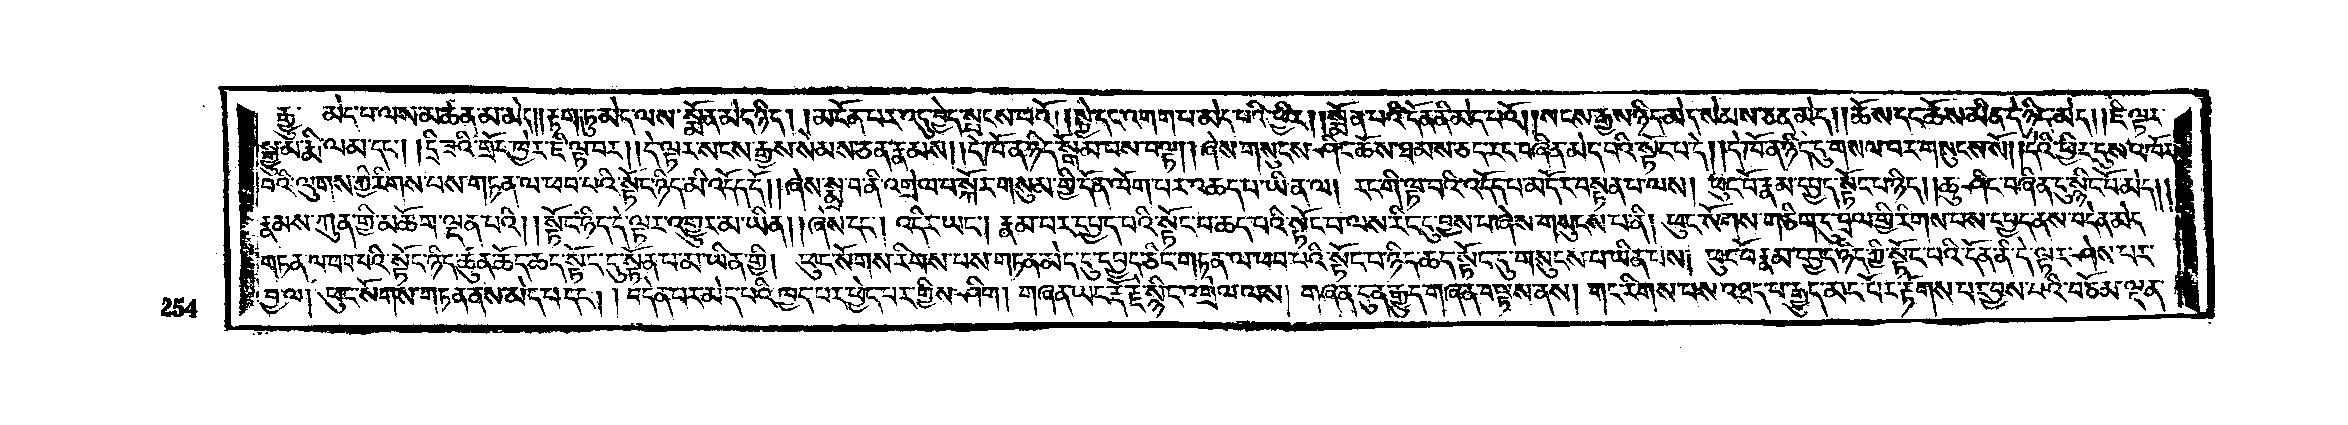རྒྱུ་མེད་པ་ལས་མཚན་མ་མེད། །རྟག་ཏུ་མེད་ལས་སྨོན་མེད་ཉིད། །མངོན་པར་འདུ་བྱེད་སྤངས་པའོ། །སྐྱེ་དང་འགག་པ་མེད་པའི་ཕྱིར། །སྨོན་པའི་དོན་ནི་མེད་པའོ། །སངས་རྒྱས་ཉིད་མེད་སེམས་ཅན་མེད། །ཆོས་དང་ཆོས་མིན་དེ་ཉིད་མེད། །ཇི་ལྟར་
སྒྱུ་མ་རྨི་ལམ་དང་། །དྲི་ཟའི་གྲོང་ཁྱེར་ཇི་ལྟ་བར། །དེ་ལྟར་སངས་རྒྱས་སེམས་ཅན་རྣམས། །དེ་ཁོ་ན་ཉིད་སྒོམ་པས་བལྟ། །ཞེས་གསུངས་ཤིང་ཆོས་ཐམས་ཅད་རང་བཞིན་མེད་པའི་སྟོང་པ་དེ། །དེ་ཁོ་ན་ཉིད་དུ་གསལ་བར་གསུངས་སོ། །དེའི་ཕྱིར་དུས་འཁོར་
བའི་ལུགས་ཀྱི་རིགས་པས་གཏན་ལ་ཕབ་པའི་སྟོང་ཉིད་མི་འདོད་དོ། །ཞེས་སྨྲ་བ་ནི་འགྲེལ་པ་སྐོར་གསུམ་གྱི་དོན་ལོག་པར་འཆད་པ་ཡིན་ལ། རང་གི་ལྟ་བའི་འདོད་པ་མདོར་བསྟན་པ་ལས། ཕུང་པོ་རྣམ་དཔྱད་སྟོང་པ་ཉིད། །ཆུ་ཤིང་བཞིན་དུ་སྙིང་པོ་མེད། །
རྣམ་པ་ཀུན་གྱི་མཆོག་ལྡན་པའི། །སྟོང་ཉིད་དེ་ལྟར་འགྱུར་མ་ཡིན། །ཞེས་དང་། འདིར་ཡང་། རྣམ་པར་དཔྱད་པའི་སྟོང་པ་ཆད་པའི་སྟོང་པ་ལས་རིང་དུ་བྱས་པ་ཞེས་གསུངས་པ་ནི། ཕུང་སོགས་གཅིག་དུ་བྲལ་གྱི་རིགས་པས་དཔྱད་ནས་བདེན་མེད་
གཏན་ལ་ཕབ་པའི་སྟོང་ཉིད་ཚུན་ཆོད་ཆད་སྟོང་དུ་སྟོན་པ་མ་ཡིན་གྱི་།ཕུང་སོགས་རིགས་པས་གཏན་མེད་དུ་དཔྱད་ཅིང་གཏན་ལ་ཕབ་པའི་སྟོང་པ་ཉིད་ཆད་སྟོང་དུ་གསུངས་པ་ཡིན་པས། ཕུང་པོ་རྣམ་དཔྱད་ཉིད་ཀྱི་སྟོང་པའི་དོན་ནི་དེ་ལྟར་ཤེས་པར་
བྱ་ལ། ཕུང་སོགས་གཏན་ནས་མེད་པ་དང་། །བདེན་པར་མེད་པའི་ཁྱད་པར་ཕྱེད་པར་གྱིས་ཤིག །གཞན་ཡང་རྡོ་རྗེ་སྙིང་འགྲེལ་ལས། གཞན་དུ་ན་རྒྱུད་གཞན་བལྟས་ནས། གང་རིགས་པས་འཐད་པ་རྒྱུད་མང་པོར་རྟོགས་པར་བྱས་པའི་བཅོམ་ལྡན་